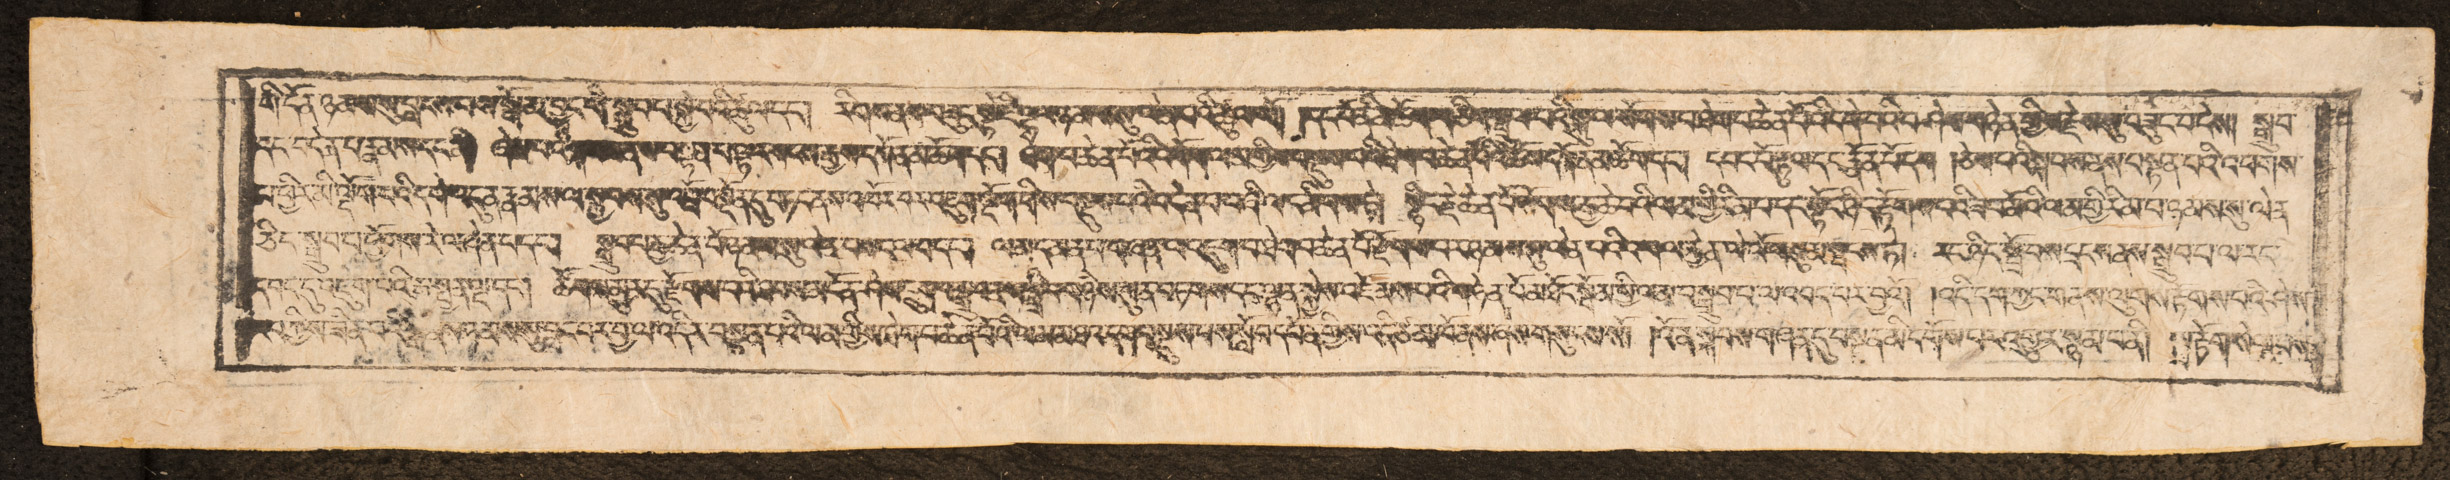གི་དོན་ཉམས་སུ་བླངས་པས་སྒོམ་བྱུང་གི་སྒྲུབ་པ་སྐྱེ་བའི་ཚུལ་དང་། རིགས་ནས་བཟུང་སྟེ་ཇི་ལྟར་ཉམས་སུ་ལེན་པའི་ཚུལ་ལོ། །དང་པོ་ནི་མཆོག་གཅིག་སྤྲུལ་པའི་སྐུ་ལ་སོགས་པ་ཐེག་པ་ཆེན་པོའི་དགེ་བའི་བཤེས་གཉེན་གྱིས་རྗེས་སུ་བཟུང་བ་དེས། སྒྲུབ་
དང་བདེན་པ་རྣམས་དང་ནི། ཞེས་པའི་སྐབས་ནས་བསྟན་པ་ལྟར་སངས་རྒྱས་དཀོན་མཆོག་དང་། ཐེག་པ་ཆེན་པོའི་འགོག་ལམ་གྱིས་བསྡུས་པའི་ཐེག་པ་ཆེན་པོའི་ཆོས་དཀོན་མཆོག་དང་། དབང་པོ་རྟུལ་དང་རྣོན་པོ་དག །ཅེས་པའི་སྐབས་ནས་བསྟན་པའི་འཕགས་
པ་ཕྱིར་མི་ལྡོག་པའི་དགེ་འདུན་རྣམས་ལ་སྐྱབས་སུ་འགྲོ་བ་སྔོན་དུ་བཏང་ནས་འཁོར་བར་འཇུག་ལྡོག་གིས་བསྡུས་པའི་བདེན་པ་བཞི་ལ་དམིགས་ཏེ། སྙིང་རྗེ་ཆེན་པོ་སོགས་རྒྱ་ཆེ་བའི་ལམ་གྱི་རིམ་པ་དང་སྟོང་ཉིད་རྟོགས་པའི་ཟབ་མོའི་ལམ་གྱི་རིམ་པ་ཉམས་སུ་ལེན་
ཅིང་སྒྲུབ་པ་ཕྱོགས་རེ་ལ་ཞེན་པ་དང་། སྒྲུབ་པ་རྒྱ་ཆེན་པོ་ཉམས་སུ་ལེན་པས་ངལ་བ་དང་། ལམ་དམན་པ་གཞན་ལ་འཇུག་པ་ཐེག་པ་ཆེན་པོ་རྫོགས་པར་ཉམས་སུ་ལེན་པའི་འགལ་རྐྱེན་ལེ་ལོ་གསུམ་སྤངས་ཏེ། རང་ཉིད་སྤྲོ་བས་དྲངས་ནས་སྒྲུབ་པ་ལ་རང་
དབང་?་དུ་འཇུག་པའི་རྒྱུ་སྤྱན་ལྔ་དང་། ཚོགས་མྱུར་དུ་རྫོགས་པའི་ཐབས་མངོན་ཤེས་དྲུག་བསྒྲུབ་ནས་སྒྲིབ་གཉིས་ཀུན་བཏགས་དང་ལྷན་སྐྱེས་འཇོམས་པའི་གཉེན་པོ་མཐོང་སྒོམ་གྱི་ལམ་བསྒྲུབ་པ་ལ་འབད་པར་བྱའོ། །འདི་དག་ཀྱང་གནས་ལུགས་རྟོགས་པའི་ཤེས་
རབ་ཀྱིས་ཟིན་པའི་སྒོ་ནས་ཉམས་སུ་བླང་བར་བྱ་ལ་འདིར་བསྟན་པའི་ལམ་གྱིས་ཐེག་པ་ཆེན་པོའི་ལམ་མཐའ་དག་བསྡུས་པས་སློབ་དཔོན་གྱིས་འདི་ཙམ་ཁོ་ནས་ཞེས་གསུངས་སོ། །འོ་ན་སྐབས་གཞན་དུ་བསྟན་མི་དགོས་པར་འགྱུར་སྙམ་པ་ནི། སྒྲ་རྟོག་སེལ་བས་